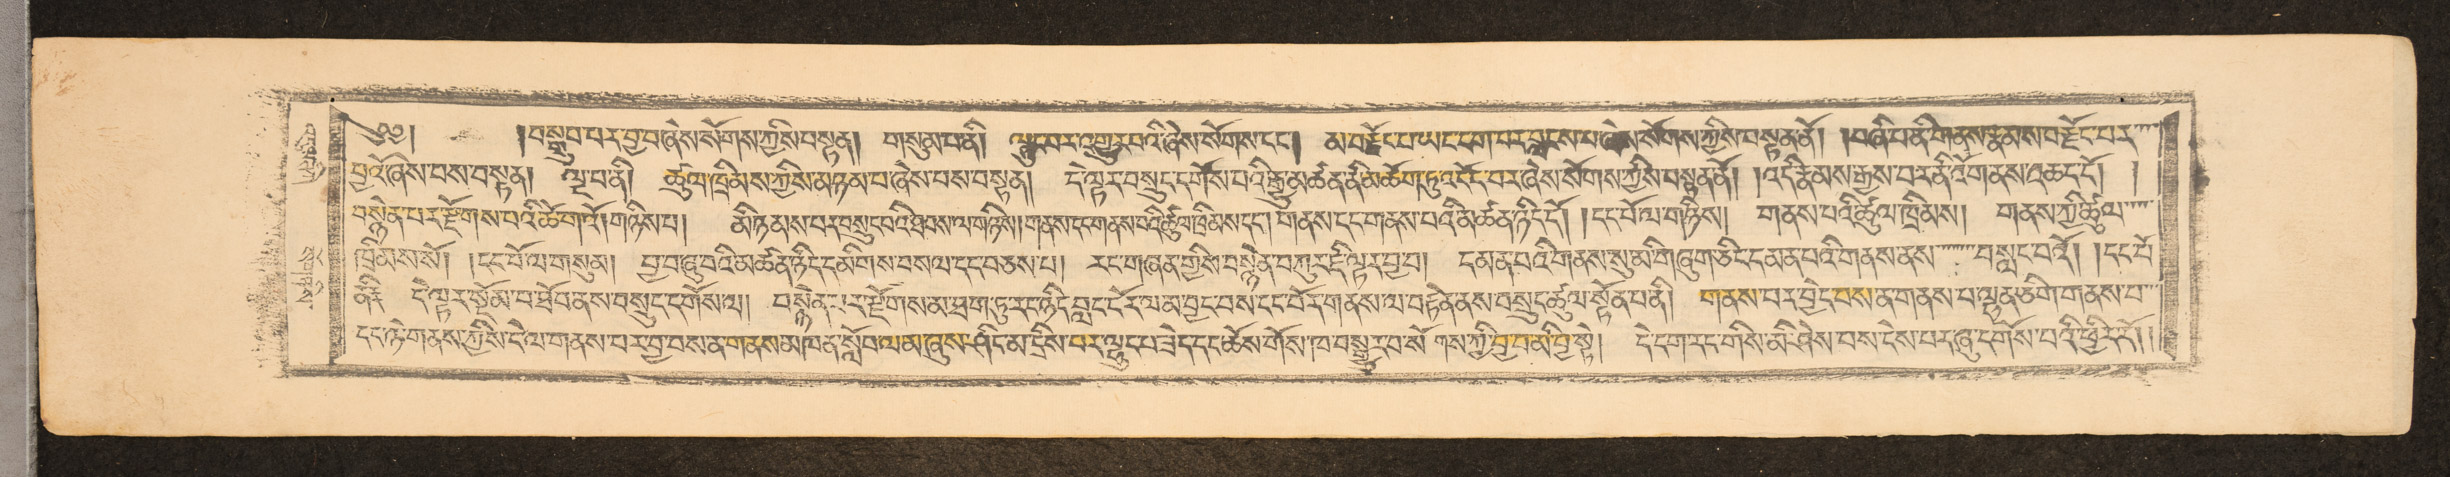༄༅། །བསྒྲུབ་པར་བྱ་བ་ཞེས་སོགས་ཀྱིས་བསྟན། གསུམ་པ་ནི། ལྟུང་བར་འགྱུར་བའི་ཞེས་སོགས་དང་། མ་བརྗོད་པ་ཡང་དག་པར་བླངས་པ་ཞེས་སོགས་ཀྱིས་བསྟན་ནོ། །བཞི་པ་ནི་གནས་རྣམས་བརྗོད་པར་
བྱའོ་ཞེས་པས་བསྟན། ལྔ་པ་ནི། ཚུལ་ཁྲིམས་ཀྱིས་མཉམ་པ་ཞེས་པས་བསྟན། དེ་ལྟར་བསྲུང་དགོས་པའི་རྒྱུ་མཚན་ནི་མཆོག་ཏུ་འདོད་པར་ཞེས་སོགས་ཀྱིས་བསྟན་ནོ། །འདི་རྣམས་རྒྱས་པར་ནི་འོག་ནས་འཆད་དོ། །
བསྙེན་པར་རྫོགས་པའི་ཆོ་གའོ། གཉིས་པ། མི་ཉམས་པར་བསྲུང་བའི་ཐབས་ལ་གཉིས། གནས་དང་གནས་པའི་ཚུལ་ཁྲིམས་དང་། གནས་དང་གནས་པའི་མཚན་ཉིད་དོ། །དང་པོ་ལ་གཉིས། གནས་པའི་ཚུལ་ཁྲིམས། གནས་ཀྱི་ཚུལ་
ཁྲིམས་སོ། །དང་པོ་ལ་གསུམ། བྱ་བ་ཞུ་བའི་མཚན་ཉིད་དམིགས་བསལ་དང་བཅས་པ། རང་གཞན་གྱིས་བསྙེན་བཀུར་ཇི་ལྟར་བྱ་བ། དམན་པའི་གནས་སུ་མི་གཉུག་ཅིང་དམན་པའི་གནས་ནས་བསླང་བའོ། །དང་པོ་
ནི༑ དེ་ལྟར་སྡོམ་པ་ཐོབ་ནས་བསྲུང་དགོས་ལ། བསྙེན་པར་རྫོགས་མ་ཐག་ཏུ་རང་ཉིད་བླང་དོར་ལ་མ་བྱང་བས་དང་པོར་གནས་ལ་བརྟེན་ནས་བསྲུང་ཚུལ་སྟོན་པ་ནི། གནས་པར་བྱེད་པས་ན་གནས་པ་ལྷན་ཅིག་གནས་པ་
དང་ཉེ་གནས་ཀྱིས་དེ་ལ་གནས་པར་བྱ་བས་ན་གནས་མཁན་སློབ་ལམ་ཞུས་ཤིང་མ་དྲིས་པར་ལྷུང་བཟེད་དང་ཆོས་གོས་ཁ་བསྒྱུར་བ་སོགས་ཀྱི་བྱ་བ་མི་བྱ་སྟེ། དེ་དག་རང་གིས་མི་ཤེས་པས་ངེས་པར་ཞུ་དགོས་པའི་ཕྱིར་རོ།།